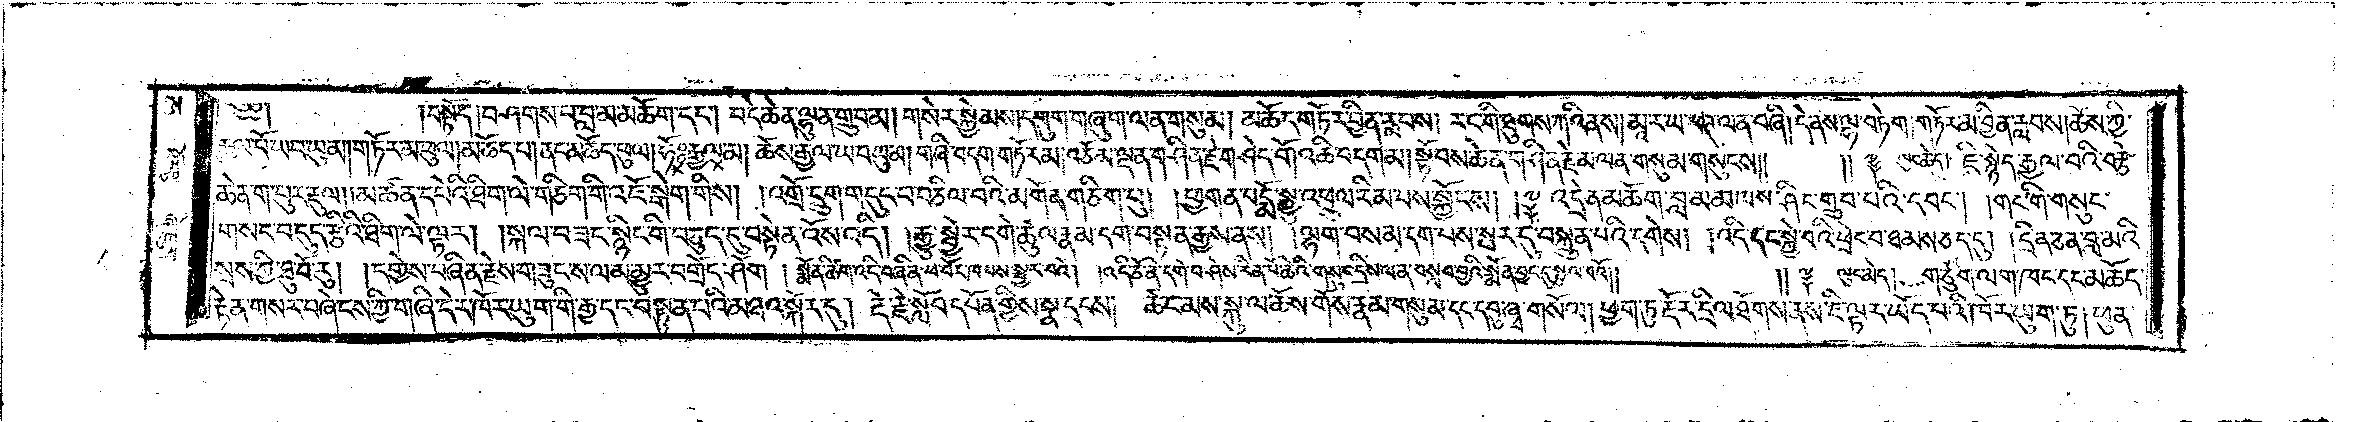༄༅། །བསྟོད། བཤགས་པ་བླ་མ་མཆོག་དང་། བདེ་ཆེན་ལྷུན་གྲུབ་མ། གསེར་སྐྱེམས། དགུག་གཞུག་ལན་གསུམ། མཆོད་གཏོར་བྱིན་རླབས། རང་གི་ཐུགས་ཀའི་གནས། མཱ་ར་ཡ་ཕཌ་ལན་བཞི། དེ་ནས་ལྷ་བཏེག། གཏོར་མ་བྱིན་རླབས། ཆོས་ཀྱི་
རྒྱལ་པོ་ཡབ་ཡུམ། གཏོར་མ་ཕུལ། མཆོད་གནང་མཆོད་ཕུལ། ཧོཿ རྒྱལ་མ། ཆོས་རྒྱལ་ཡབ་ཡུམ། གཞི་བདག་གཏོར་མ། བཅོམ་ལྡན་གཤིན་རྗེ་གཤེད་གོ་འཆི་བདག་མ། སྟོབས་ཆེན་གཤིན་རྗེ་མ་ལན་གསུམ་གསུངས།། །། ༈ ལུང་ཆེད། ཇི་སྙེད་རྒྱལ་བའི་བརྩེ་
ཆེན་ག་པུར་རྡུལ། །མཚན་དཔེའི་ཐིག་ལེ་གཅིག་གི་འཇོ་སྒེག་གིས། །འགྲོ་དྲུག་གདུང་པ་བཅིལ་བའི་མགོན་གཅིག་པུ། །ཕྱག་ན་པདམོ་སྒྱུ་འཕྲུལ་རིམ་པས་སྐྱོངས། །༈ འདྲེན་མཆོག་བླ་མ་མཁས་ཤིང་གྲུབ་པའི་དབང་། །གང་གི་གསུང་
གསང་བདུད་རྩིའི་ཐིག་ལེ་ལྟར། །སྐལ་བཟང་སྙིང་གི་བཅུད་དུ་བསྟེན་འོས་འདི། །རྒྱུ་སྦྱེར་དགེ་ཚུལ་རྣམ་དག་བསྟན་རྒྱས་ནས། །ལྷག་བསམ་དག་པས་པར་དུ་བསྐྲུན་པའི་དགེས། །འདི་དང་སྐྱེ་བའི་ཕྲེང་བ་ཐམས་ཅད་དུ། །དྲིན་ཅན་བླ་མའི་
སྲས་ཀྱི་ཐུ་བོ་རུ། །དགྱེས་བཞིན་རྗེས་གཟུང་ས་ལམ་མྱུར་བགྲོད་ཤོག ། སྨོན་ཚིག་འདི་བཞིན་ཕ་བོང་ཁ་པས་སྦྱར་བའོ། །འདི་ཅོ་ནི་དགེ་བ་ཤེས་རིན་པོ་ཆེའི་གསུང་དྲིས་ལན་བསླབ་བྱའི་སྨོན་བྱང་དུ་སྩལ་བའོ།།  །།༈ ལུང་མེད།  གཙུག་ལག་ཁང་དང་མཆོད་
རྟེན་གསར་བཞེངས་ཀྱི་གཞི་དེར་འཁོར་ཡུག་གི་རྒྱ་དང་བསྟུན་པའི་མཐའ་སྐོར་དུ། རྡོ་རྗེ་སློབ་དཔོན་གྱིས་སྣ་དྲངས། ཚང་མས་སྐུ་ལ་ཆོས་གོས་རྣམ་གསུམ་དང་དབུ་ཞྭ་གསོལ། ཕྱག་ཏུ་རྡོར་དྲིལ་ཐོགས་ནས་ཇི་ལྟར་ཡོད་པའི་ཁོར་ཡུག་ཏུ། ཕུན་